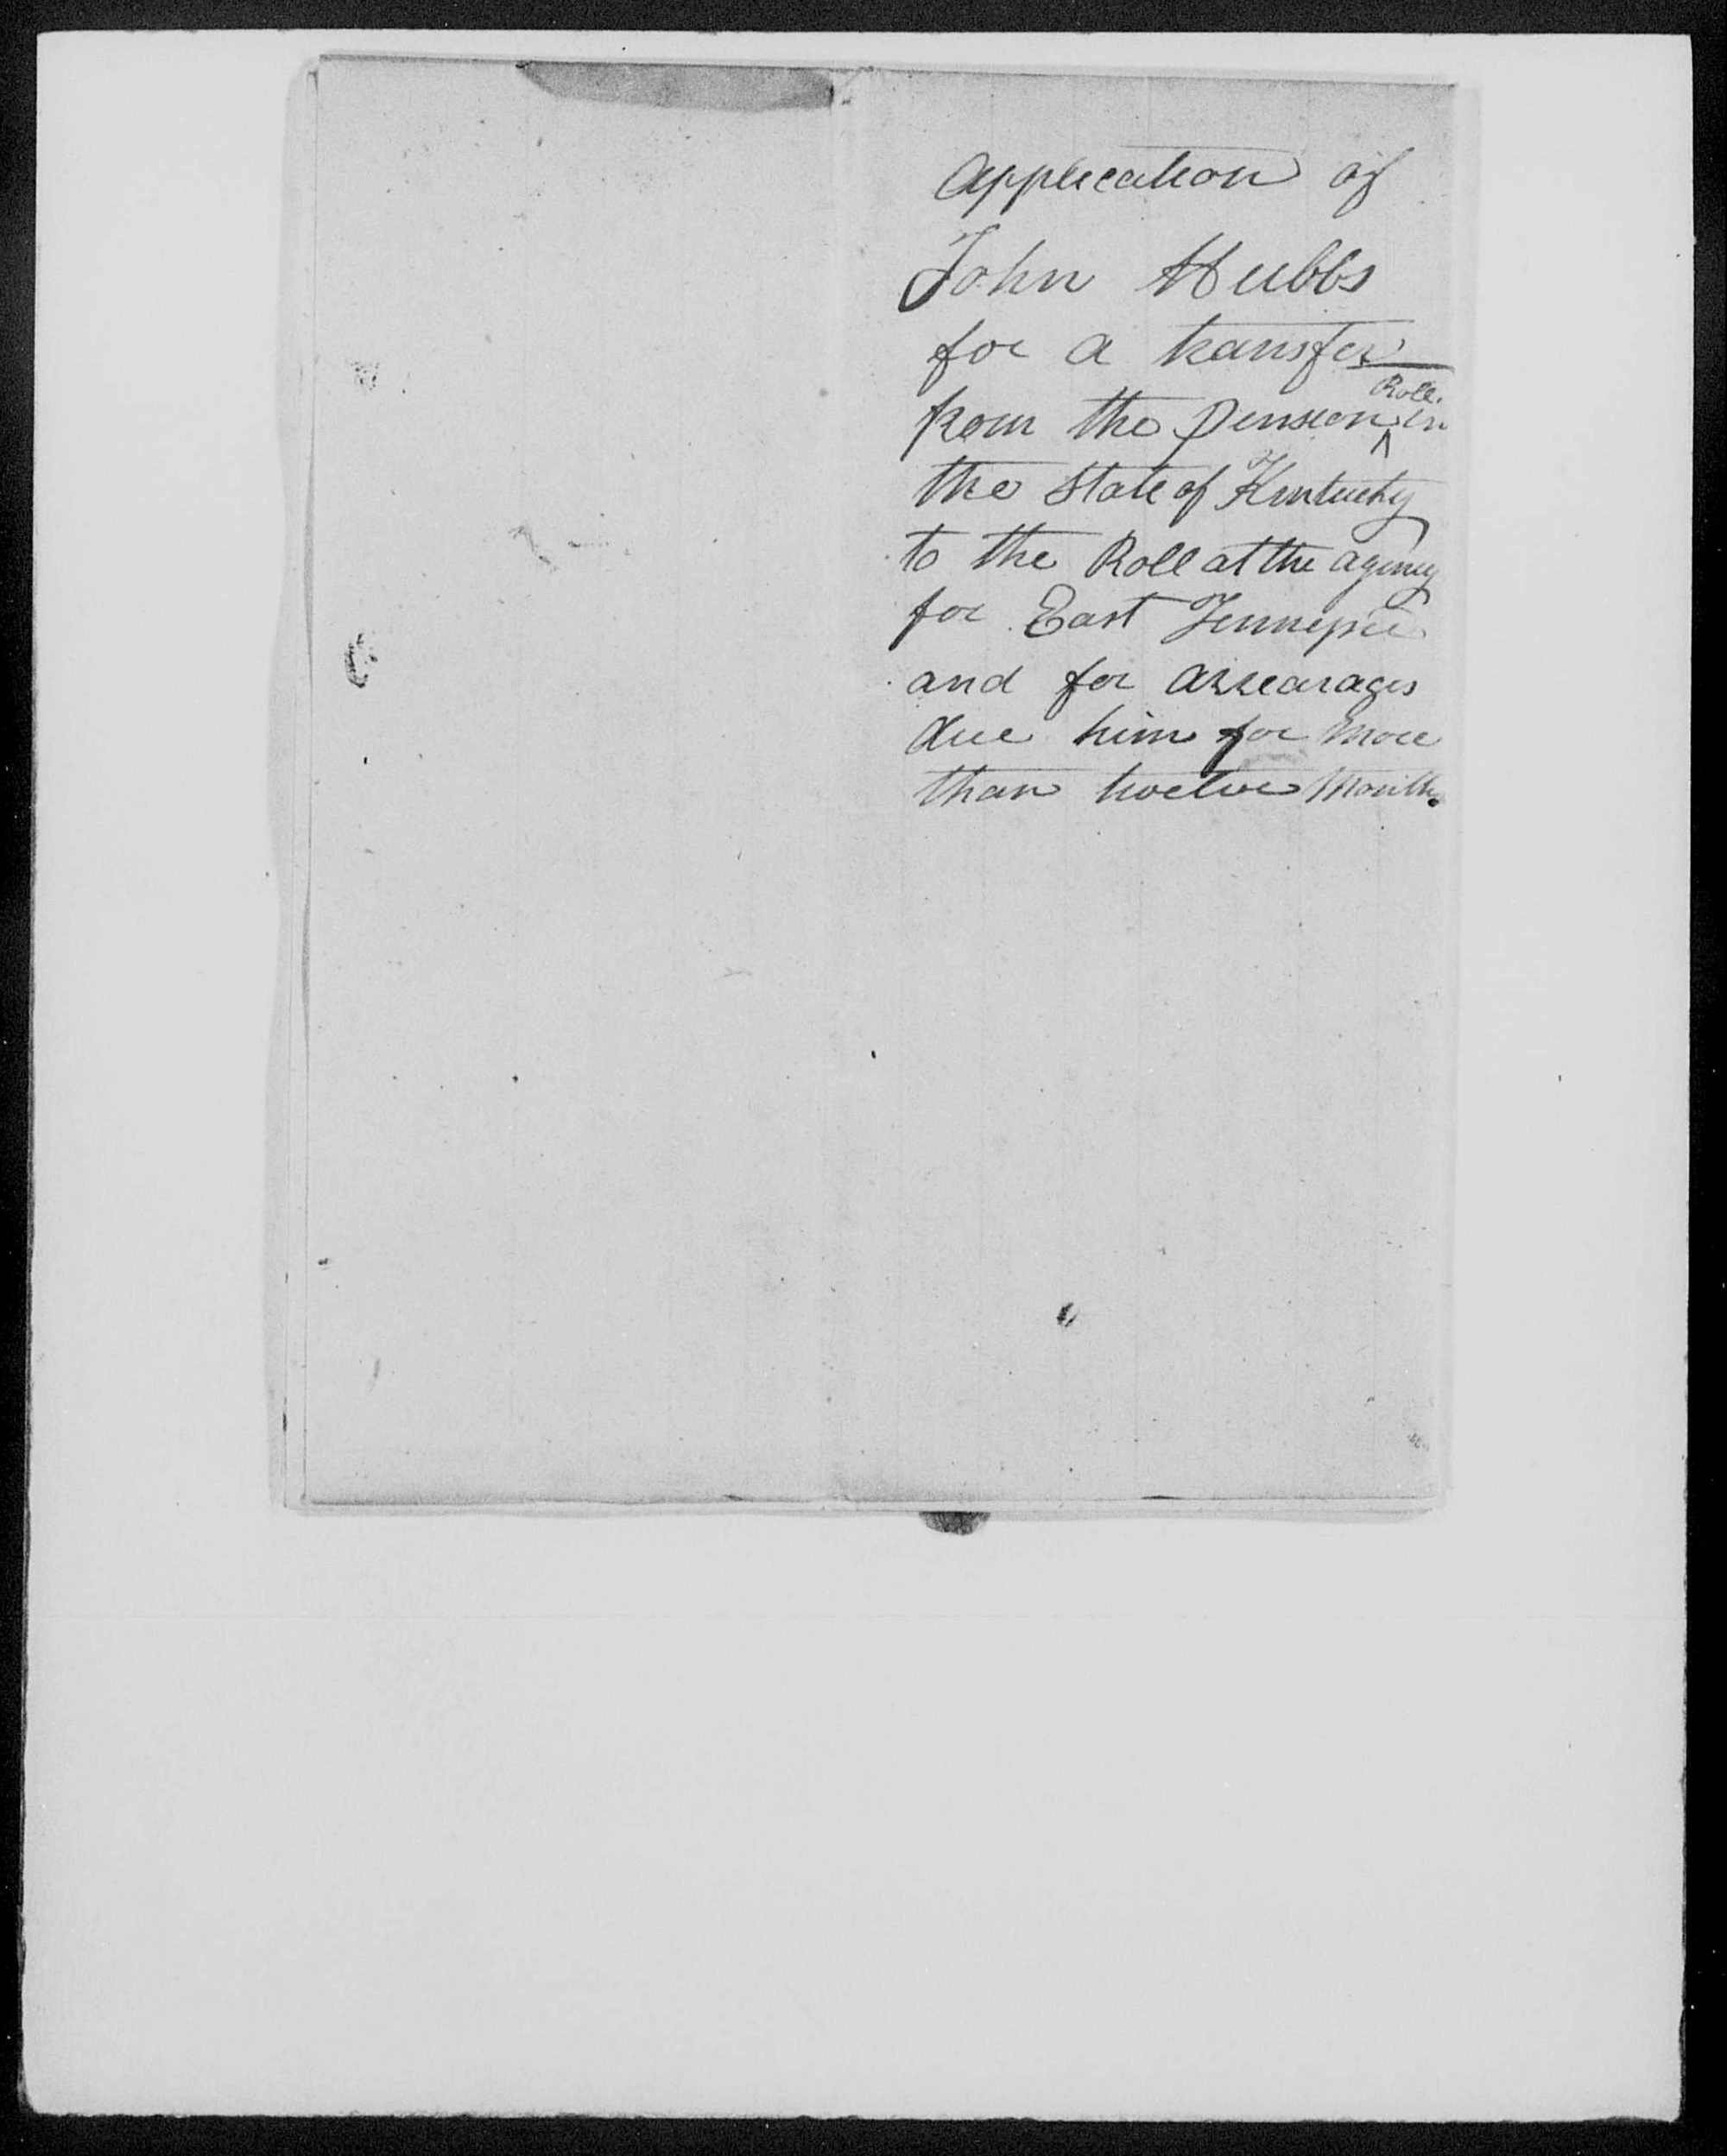Application of
John Hubbs
for a transfer from the pension Roll in the State of Kentucky to the Roll at the Agency for East Tennessee and for arrearages due him for more than twelve months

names: John Hubbs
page: 74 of 86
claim: widow's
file: W. 1035, John Hubbs, S.C.